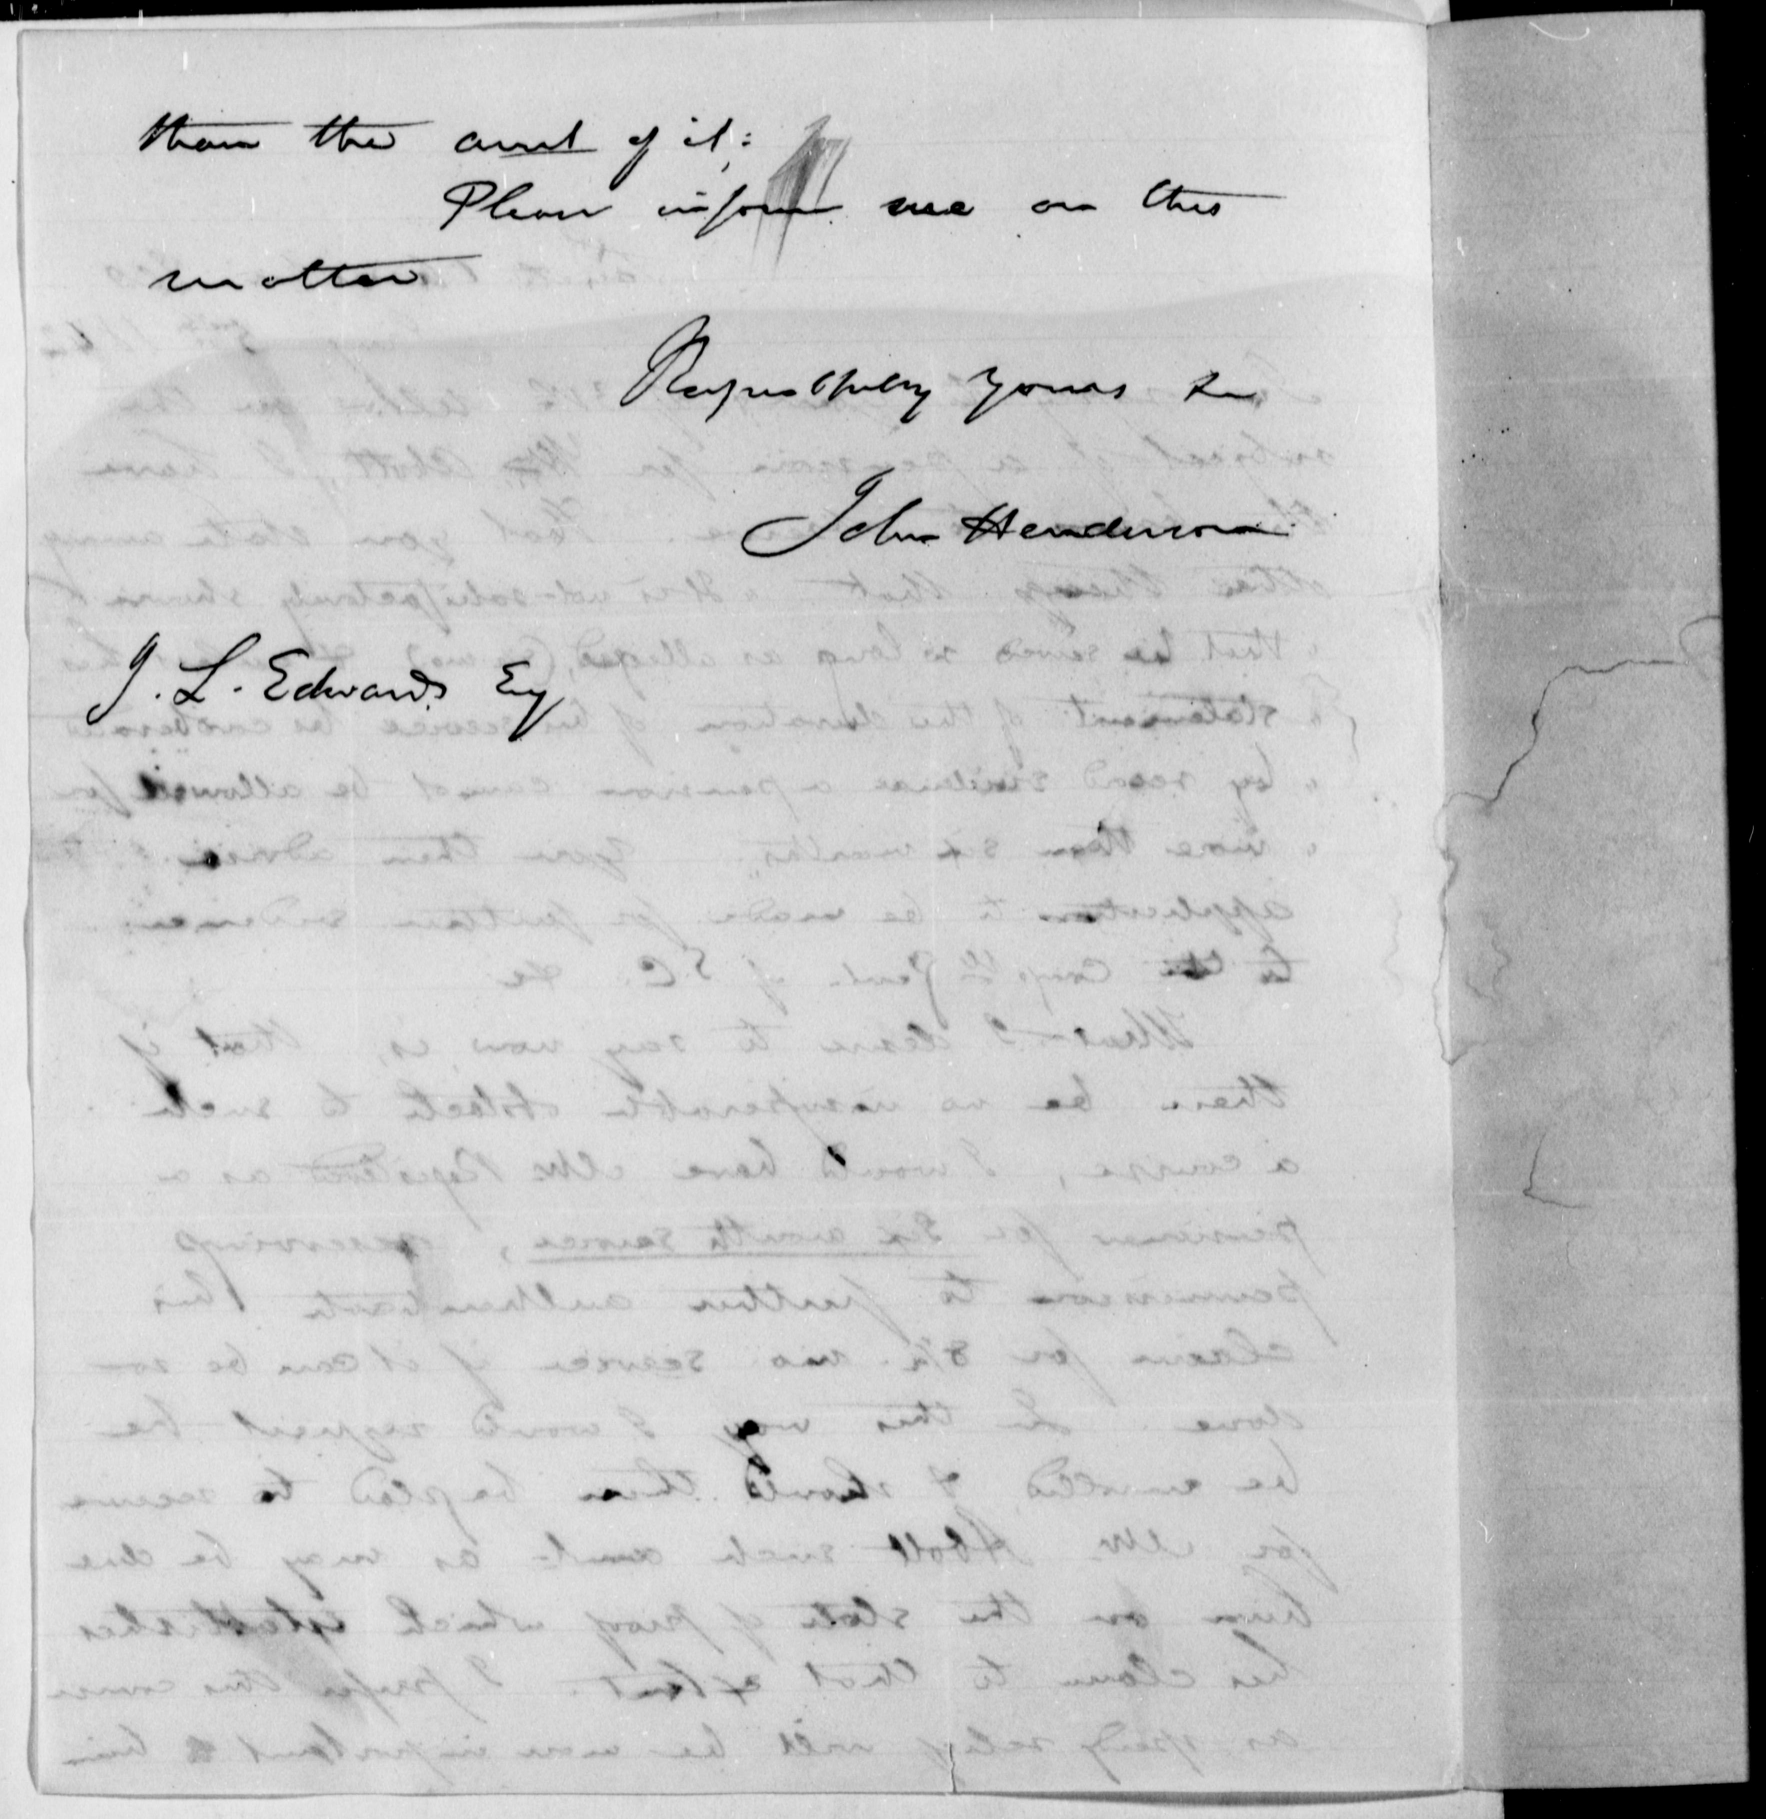than the amt of it.
Please inform me on this matter
Respectfully yours &c
John Henderson

J.L. Edwards Esq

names: J L Edwards, John Henderson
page: 34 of 38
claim: survivor's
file: S. 30. 239, William Abbott, S.C.